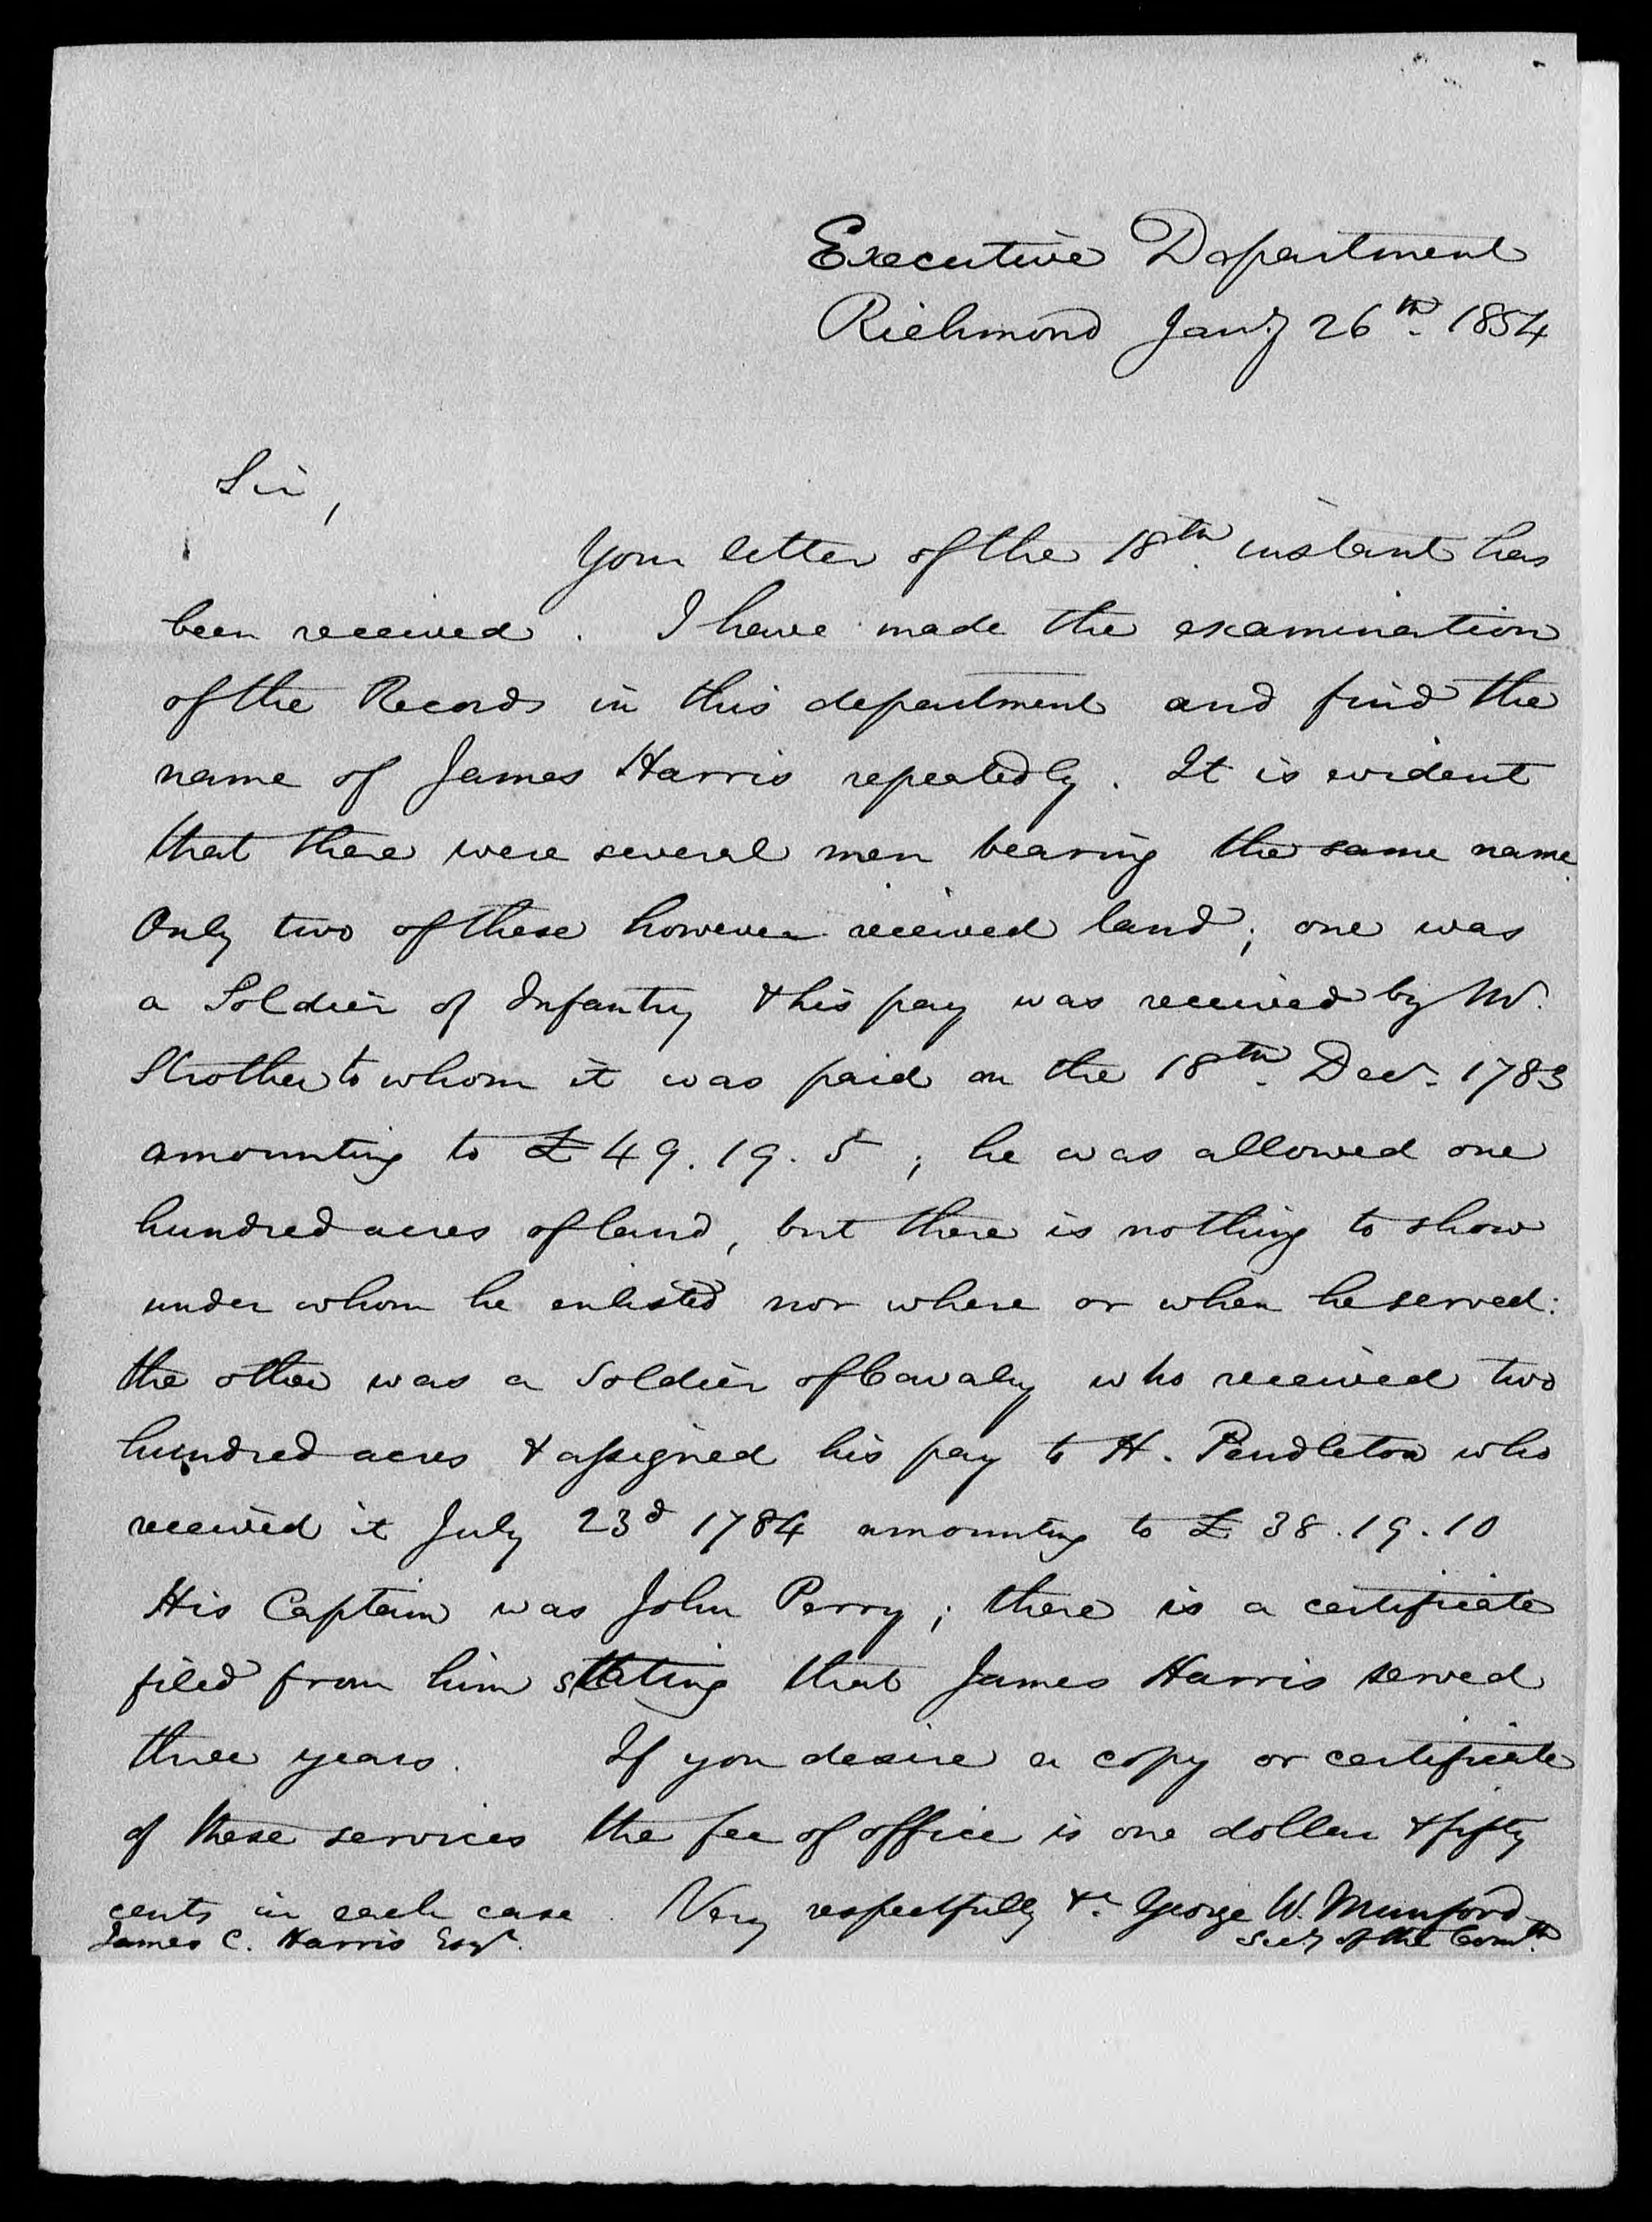Executive Department
          Richmond Jany 26th 1854

Sir,
   Your letter of the 18th instant has been received.  I have made the examination of the Records in this department and find that name of James Harris repeatedly.  It is evident that there were several men bearing the same name. Only two of these however received land,; one was a Soldier of Infantry. This pay was received by M. Strother to whom it was paid on the 18th Dec 1783 amounting to [Pound Sterling symbol}49.19.5; he was allowed one hundred acres of land, but there is nothing to show under whom he enlisted nor where or when he served.  The other was a soldier of Cavalry who received two hundred acres & assigned his pay to H. Pendleton who received it July 23d 1784 amounting to [pound sterling symbol]38.19.10. His Captain was John Perry; there is a certificate filed from him stating that James Harris served three years.  If you desire a copy or certificate of these services the fee of office is one dollar & fifty cents in each case.  
Very respectfully yr. George W. Munford
Secy of the Comm.

James C. Harris esq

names: James Harris, H Pendleton, James Harris, John Perry, James C Harris, George W Munford, Strother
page: 158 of 160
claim: rejected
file: R. 4666, James Harris, Va.